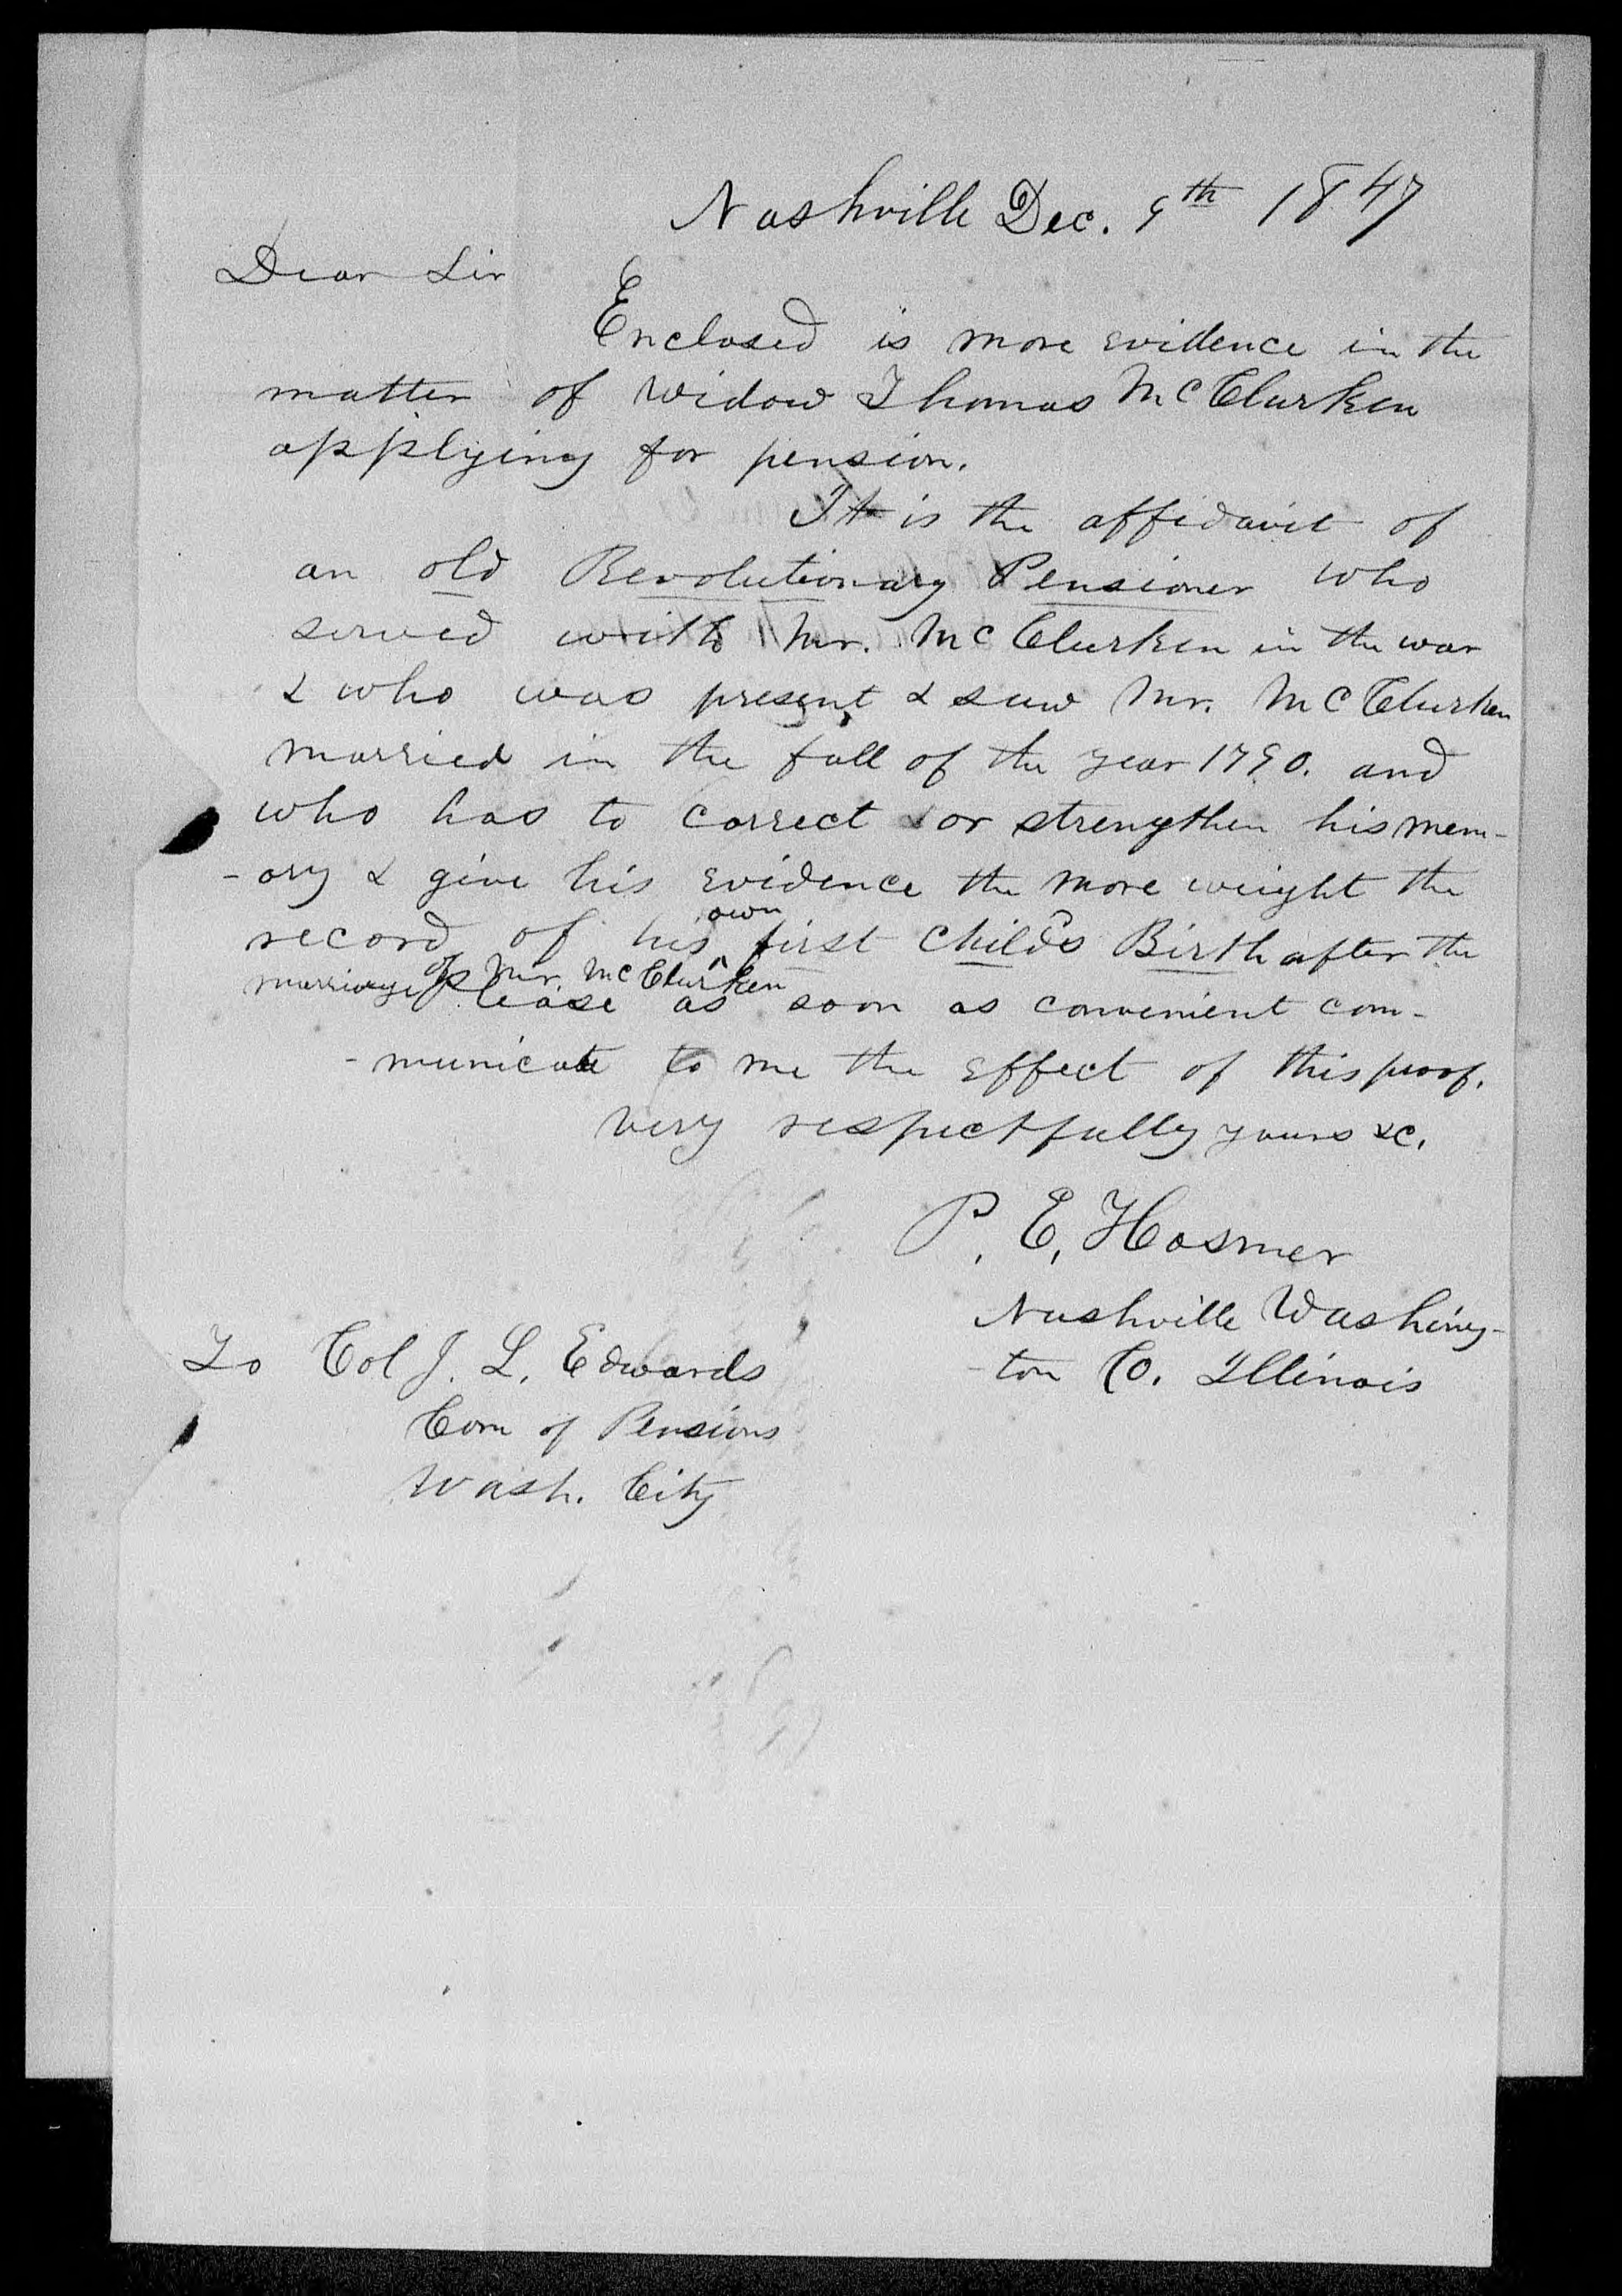Nashville Dec. 9th 1847 

Dear Sir 
Enclosed is more evidence in the matter of the  widow of Thomas McClurken applying for pension.
It is the affidavit of an old Revolutionary Pensioner who served with Mr. McClurken in the war
I who was present & saw Mr. McClurken married in the fall of the year 1790 and who has to correct or strengthen his memory & give his evidence the more weight the record his own first child's Birth after the marriage of Mr. McClurken 
Please as soon as convenient communicate to me the effect of this proof. 
Bery respectfully yours &c,
P.E. Hosmer 
Nashville Washington 
Co. Illinois

To Col J. L. Edwards
Com of Pensions 
Wash. City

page: 54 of 93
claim: widow's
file: W. 21792, for Thomas Mc Clurken, South Carolina